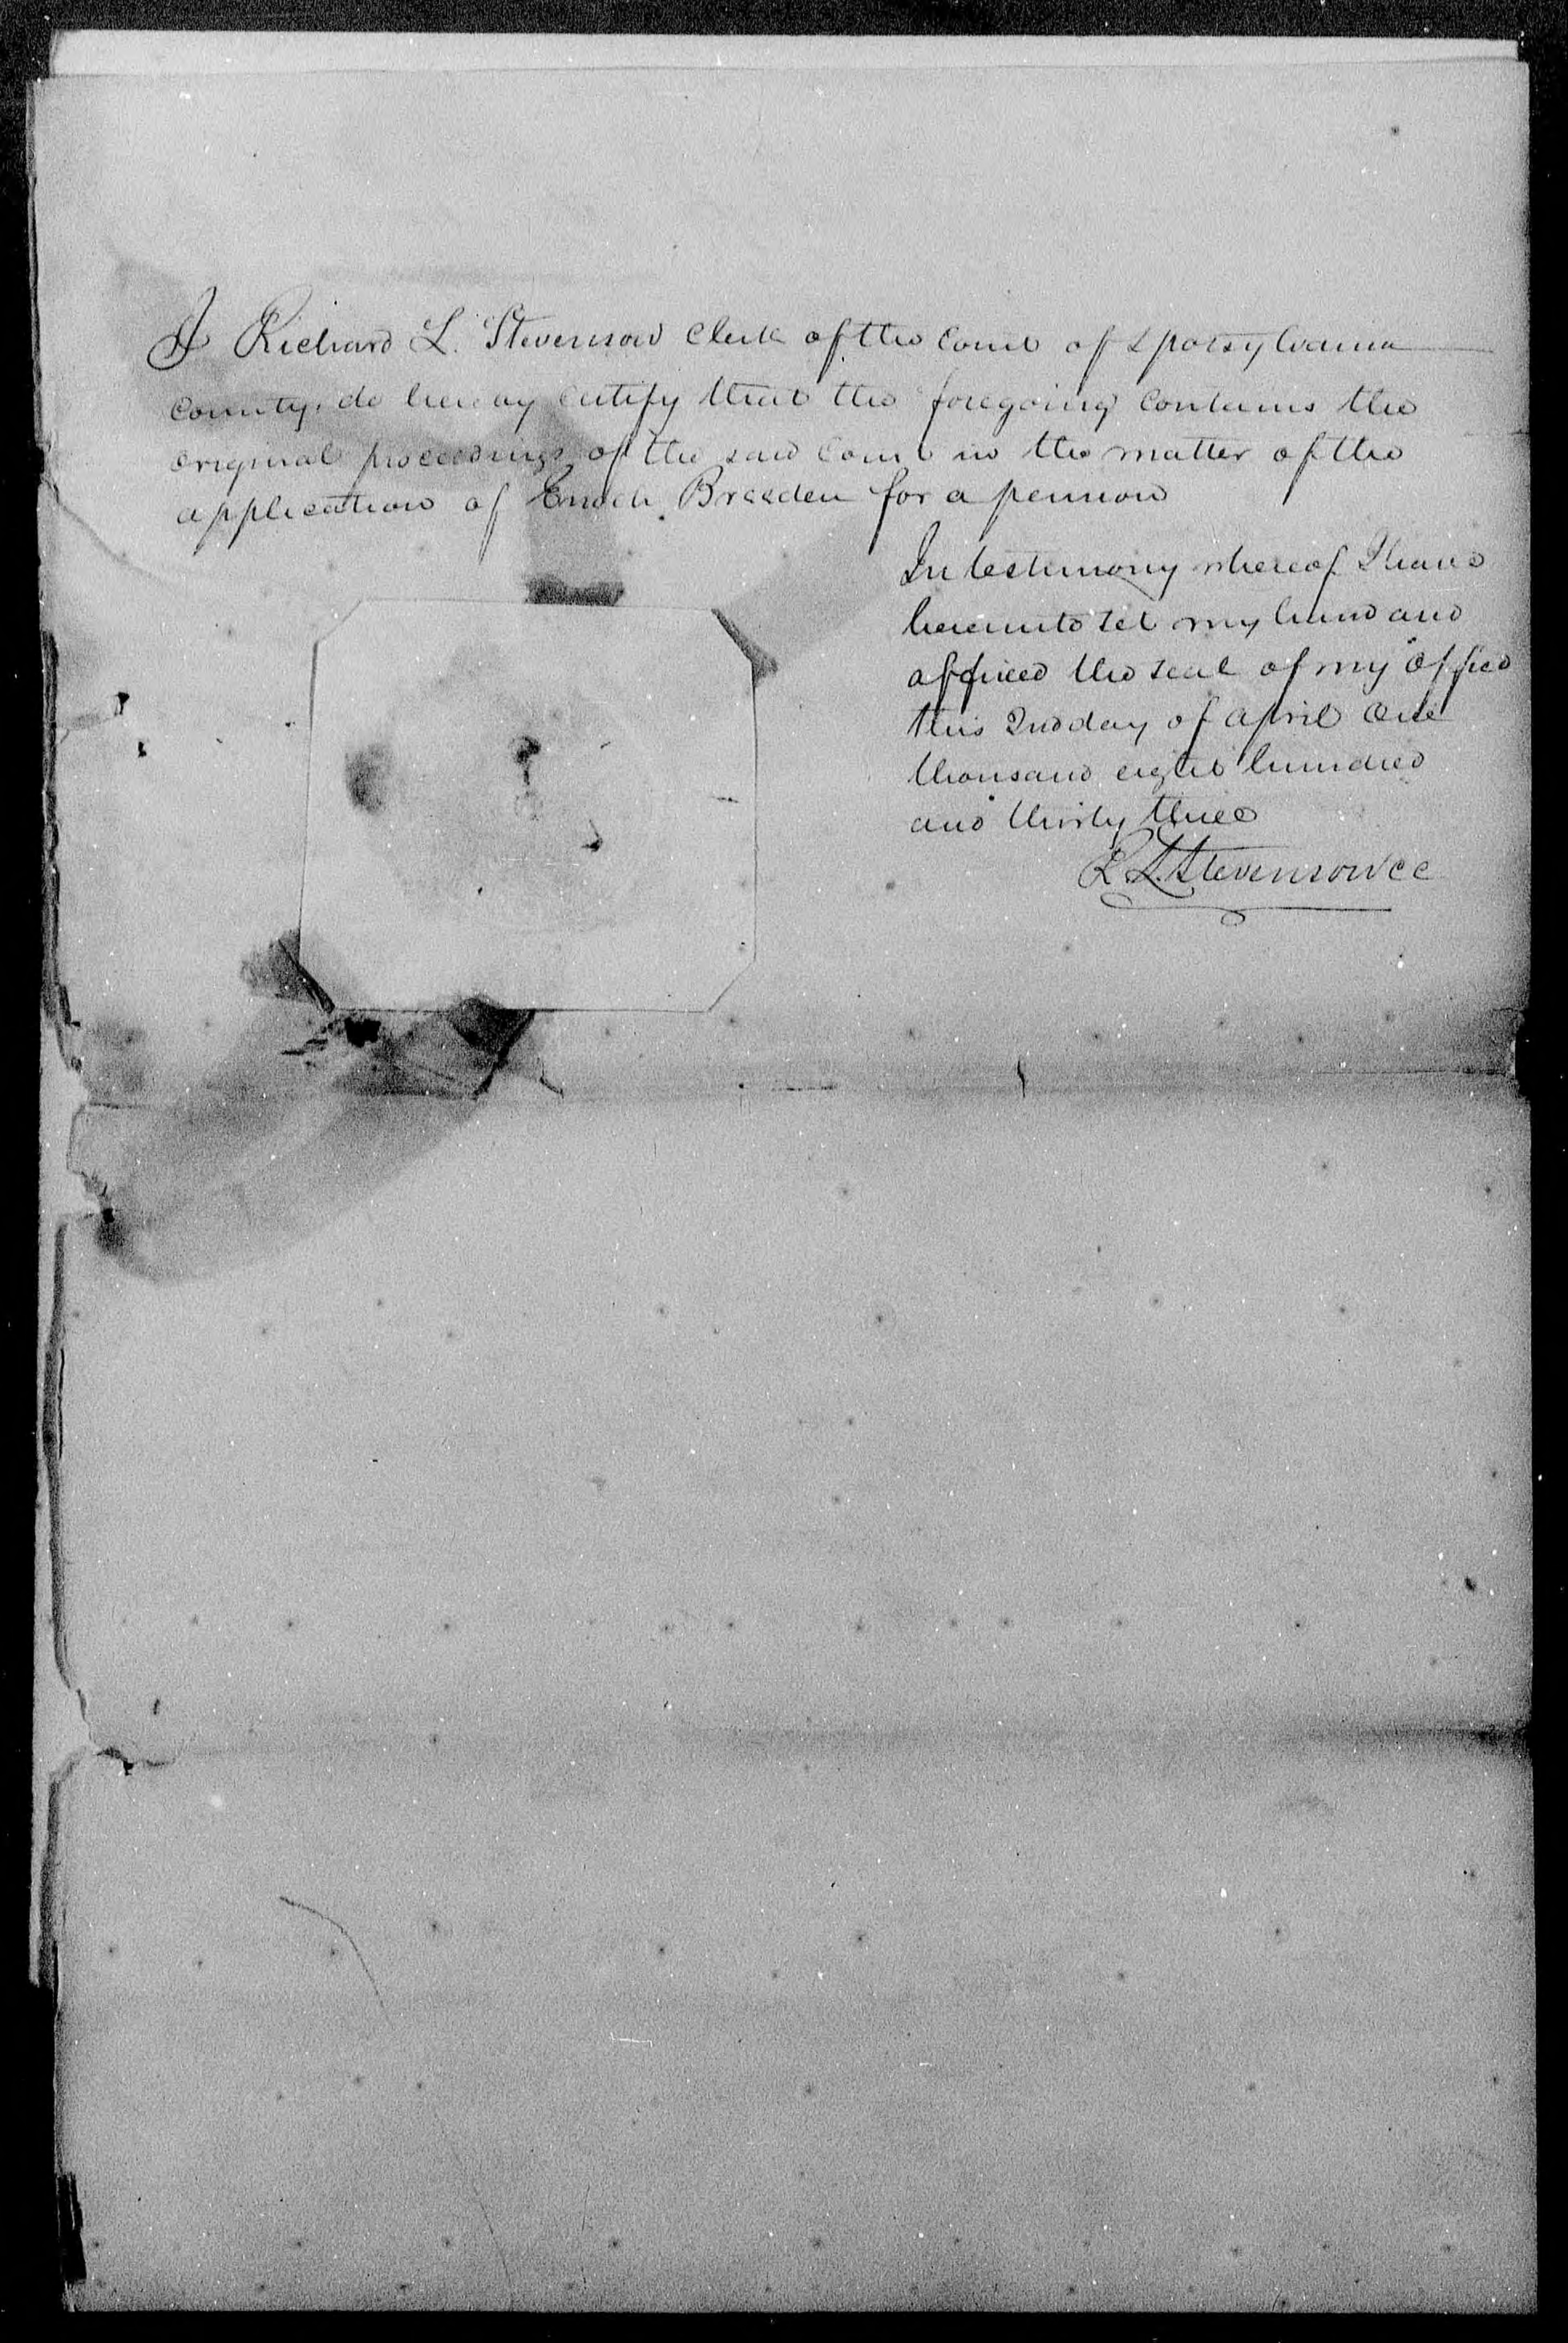I Richard L. Stevenson Clerk of the Court of Spotsylvania County, do herby certify that the foregoing contains the original proceedings of the said Court in the matter of the application of Enoch Breeden for a pension 
In testimony whereof I have hereunto set my hand and affixed the seal of my office this 2nd day of April one thousand eight hundred and thirty three 
R.L. Stevenson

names: Enoch Breeden, R L Stevenson, Richard L Stevenson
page: 21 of 27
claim: survivor's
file: S. 1747, Enoch Breeden, Va.